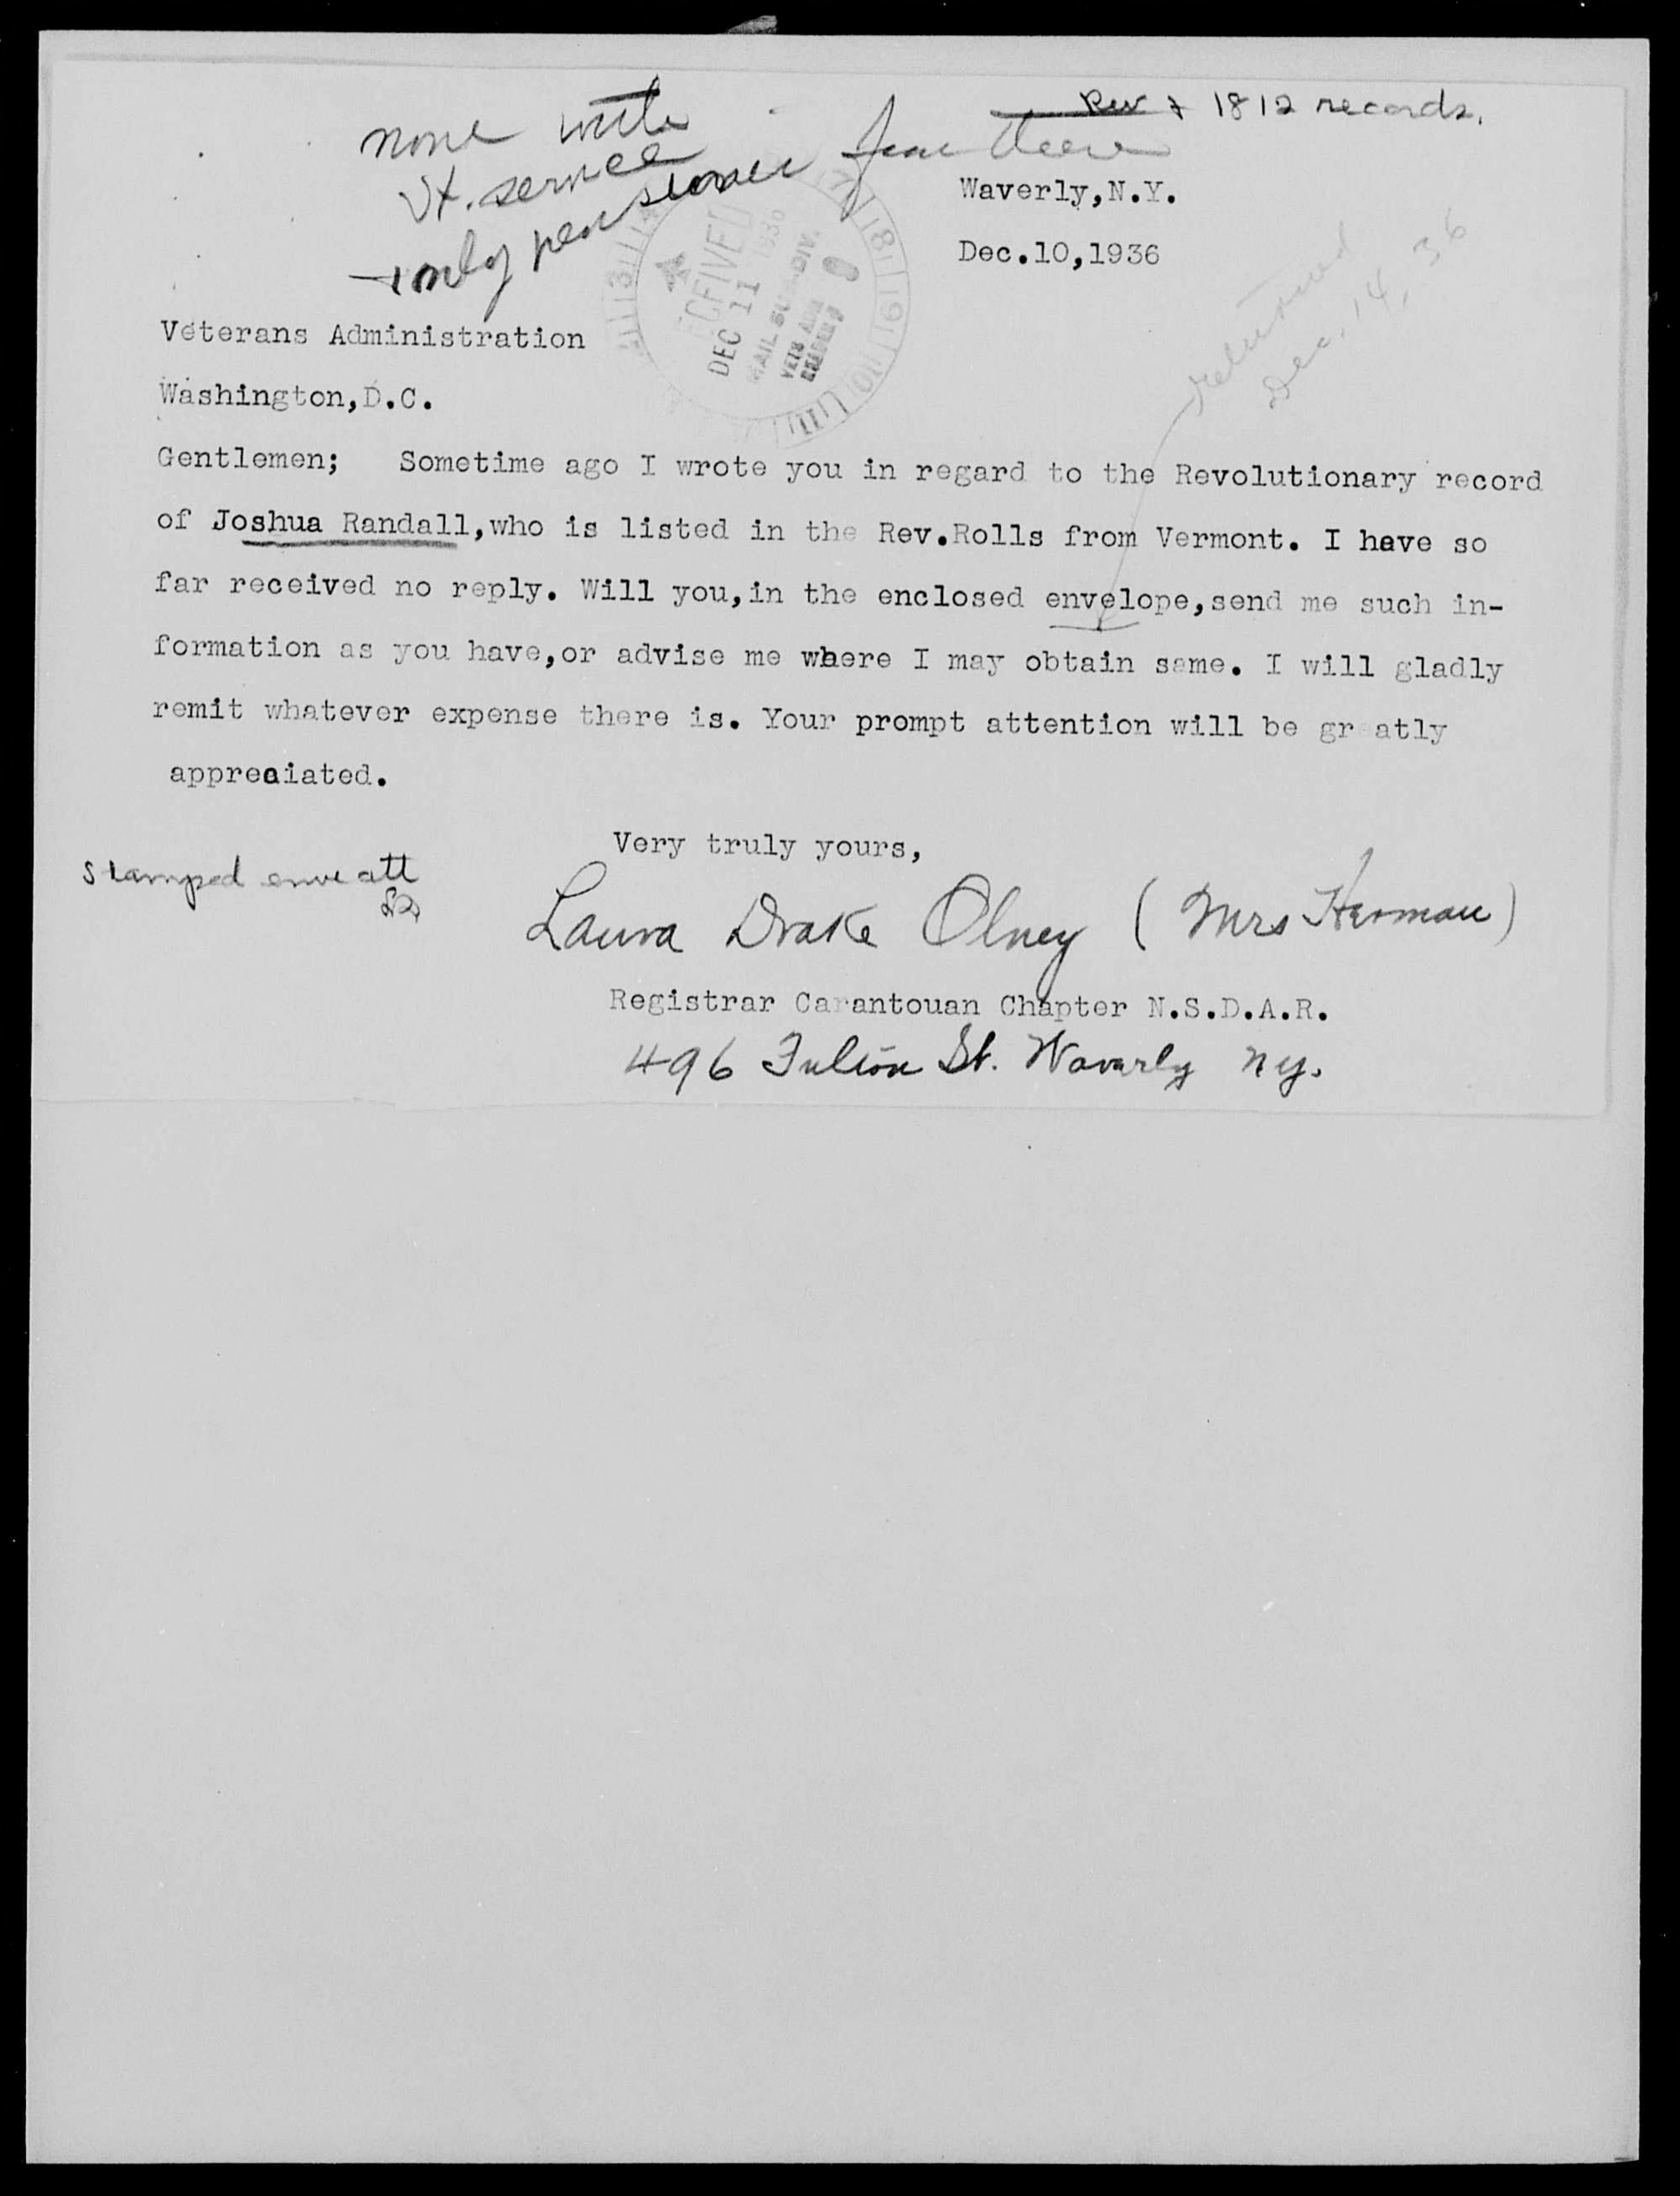none with Vt. service & only pensioner [find there?]

[circle stamp]
RECEIVED DEC 11 1936
MAIL SUB DIV
VETS ADM
[ILLEGIBLE] 9

Rev & 1812 records

Waverly, N. Y.
Dec. 10, 1936

Veterans Administration
Washington, D.C.

[handwritten note, pointing to word ‘envelope’ in text of letter] 
returned Dec 14, 36

Gentlemen; Sometime ago I wrote you in regard to the Revolutionary record of Joshua Randall, who is listed in the Rev. Rolls from Vermont. I have so far received no reply. Will you, in the enclosed envelope, send me such information as you have, or advise me where I may obtain same. I will gladly remit whatever expense there is. Your prompt attention will be greatly appreciated.
Very truly yours,
Laura Drake Olney (Mrs Herman)
Registrar Carantouan Chapter N. S. D. A. R.
496 Fulton St. Waverly NY

Stamped envl att
LD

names: Herman Olney; Joshua Randall; Laura Drake Olney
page: 18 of 20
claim: survivor's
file: S. 41,090, for Joshua Randall, Massachusetts